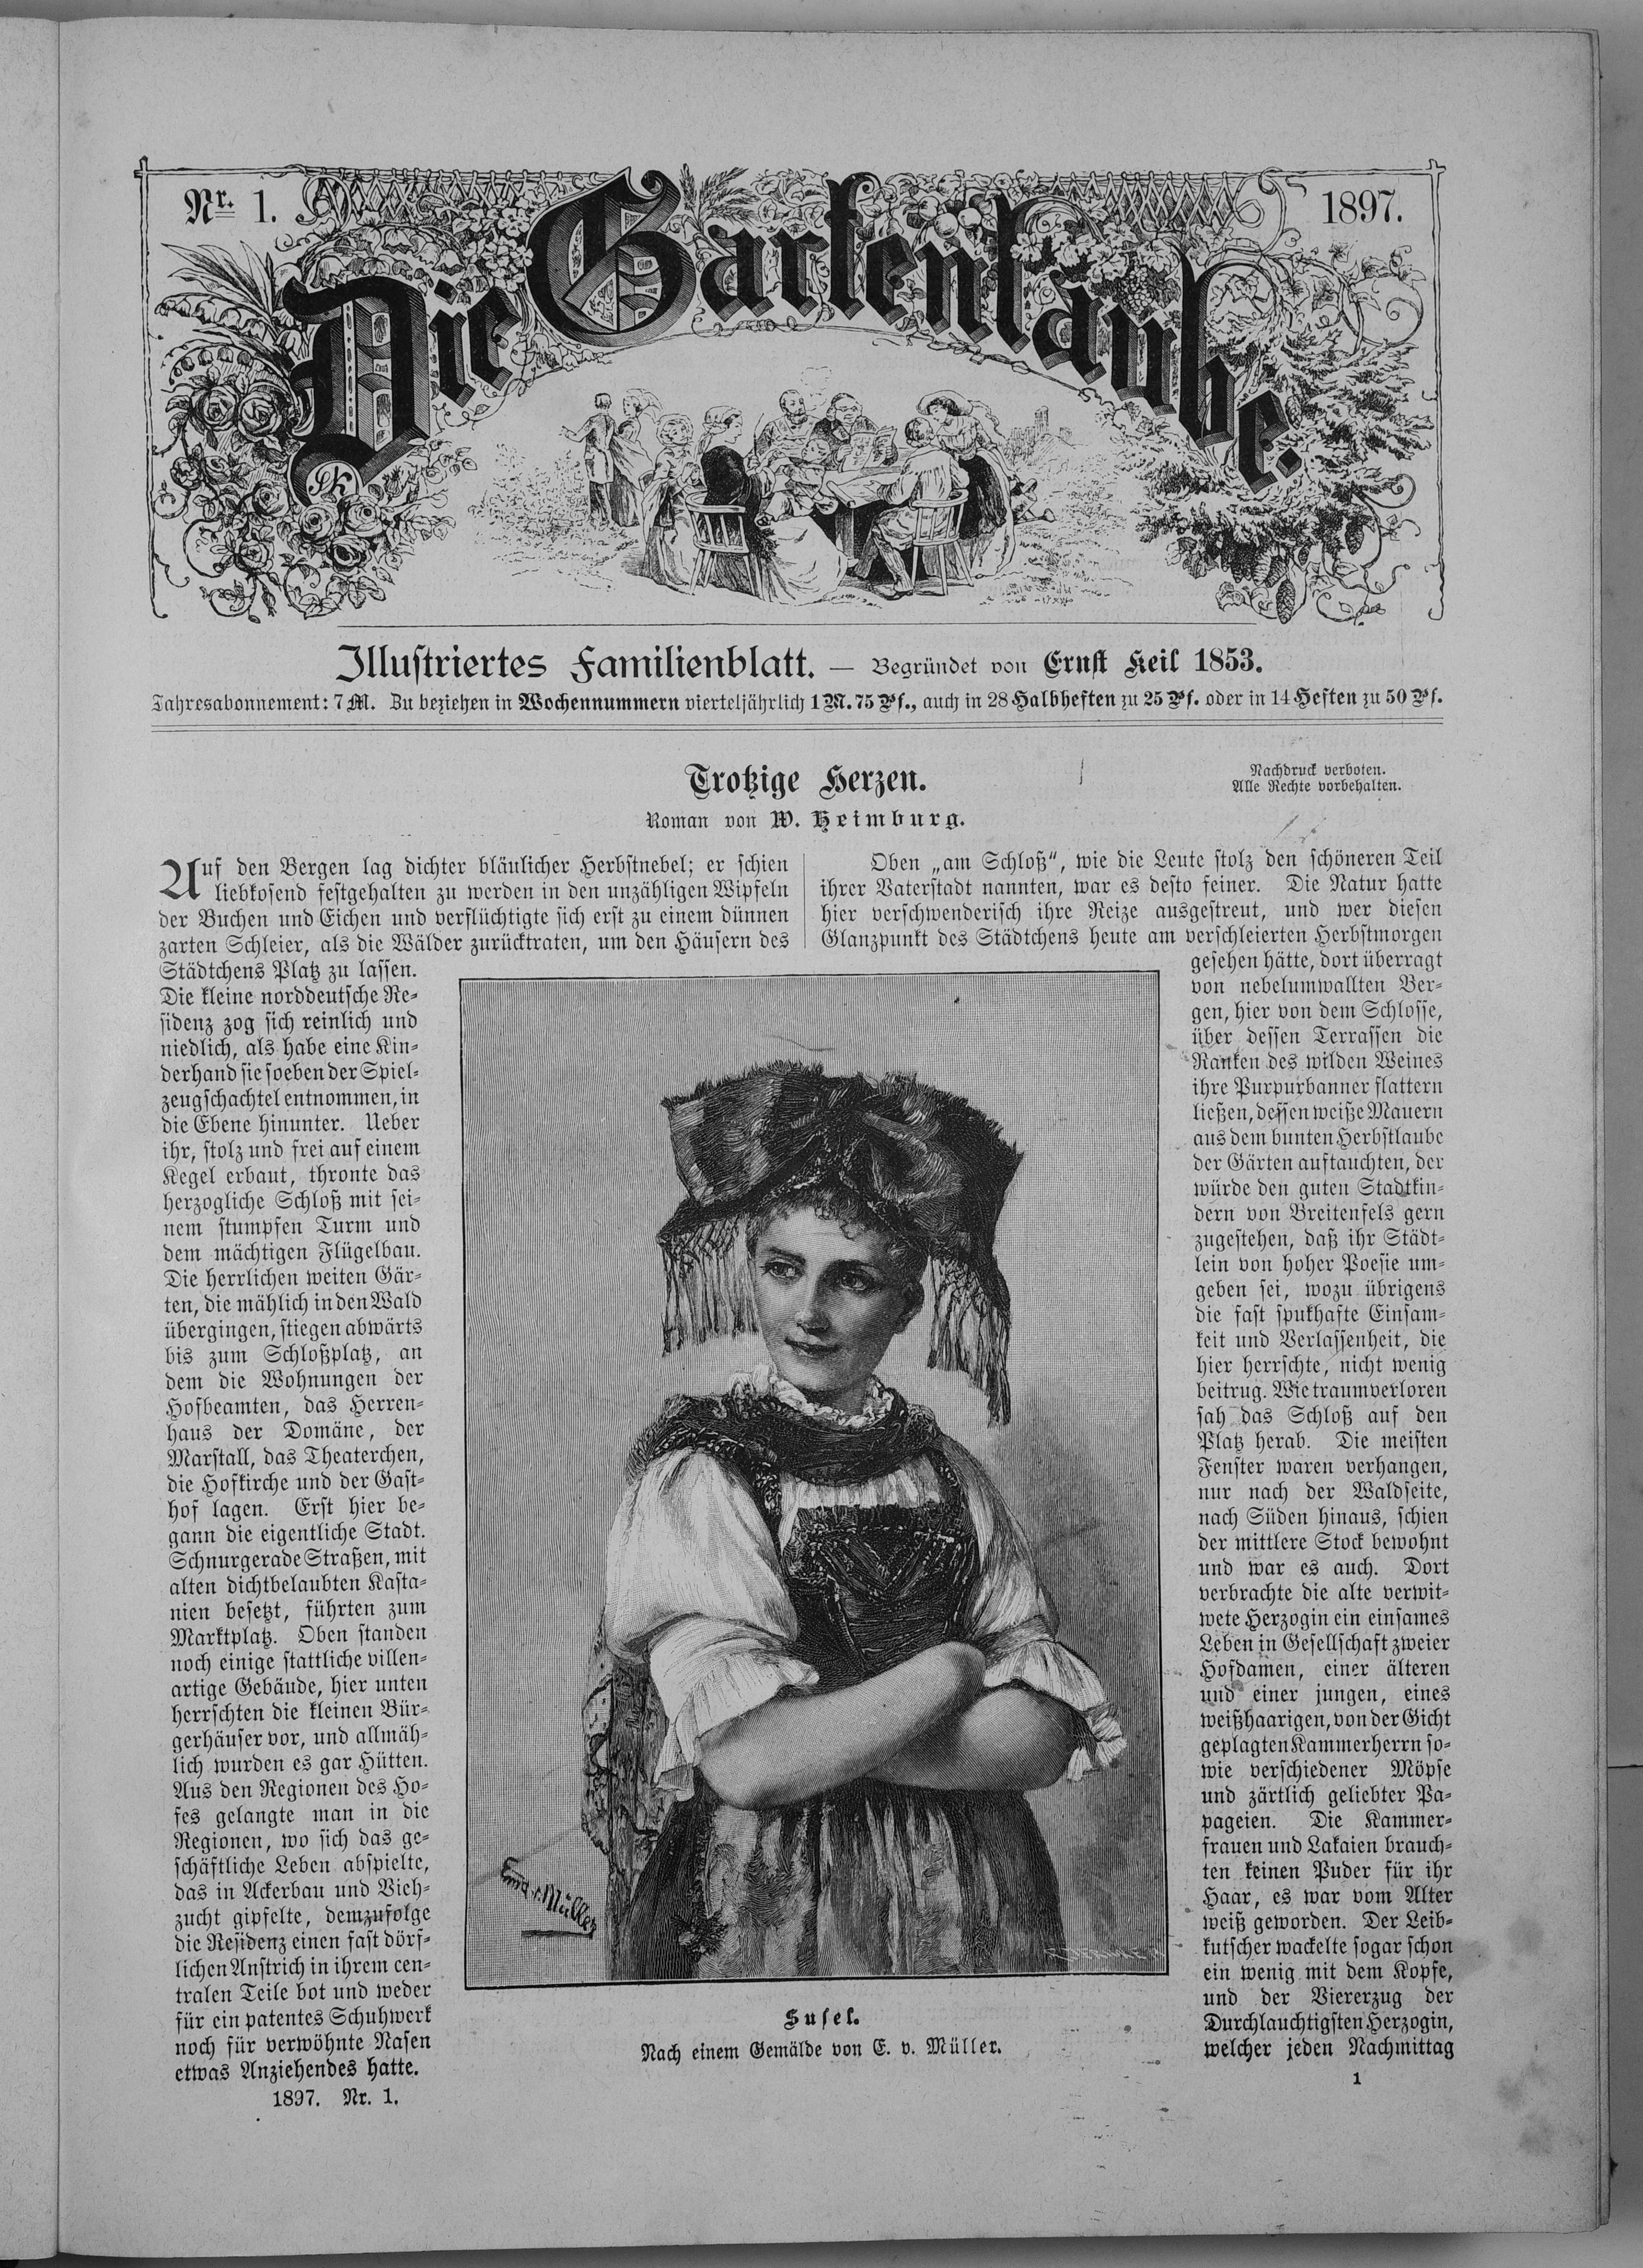Nr. 1. 1897.
Die Gartenlaube.

Illustriertes Familienblatt. – Begründet von Ernst Keil 1853.
Jahresabonnement: 7 M. Zu beziehen in Wochennummern vierteljährlich 1 M. 75 Pf., auch in 28 Halbheften zu 25 Pf. oder in 14 Heften zu 50 Pf.

Nachdruck verboten.
Alle Rechte vorbehalten.

Trotzige Herzen.
Roman von W. Heimburg.

Auf den Bergen lag dichter bläulicher Herbstnebel; er schien liebkosend festgehalten zu werden in den unzähligen Wipfeln der Buchen und Eichen und verflüchtigte sich erst zu einem dünnen zarten Schleier, als die Wälder zurücktraten, um den Häusern des Städtchens Platz zu lassen. Die kleine norddeutsche Residenz zog sich reinlich und niedlich, als habe eine Kinderhand sie soeben der Spielzeugschachtel entnommen, in die Ebene hinunter. Ueber ihr, stolz und frei auf einem Kegel erbaut, thronte das herzogliche Schloß mit seinem stumpfen Turm und dem mächtigen Flügelbau. Die herrlichen weiten Gärten, die mählich in den Wald übergingen, stiegen abwärts bis zum Schloßplatz, an dem die Wohnungen der Hofbeamten, das Herrenhaus der Domäne, der Marstall, das Theaterchen, die Hofkirche und der Gasthof lagen. Erst hier begann die eigentliche Stadt. Schnurgerade Straßen, mit alten dichtbelaubten Kastanien besetzt, führten zum Marktplatz. Oben standen noch einige stattliche villenartige Gebäude, hier unten herrschten die kleinen Bürgerhäuser vor, und allmählich wurden es gar Hütten. Aus den Regionen des Hofes gelangte man in die Regionen, wo sich das geschäftliche Leben abspielte, das in Ackerbau und Viehzucht gipfelte, demzufolge die Residenz einen fast dörflichen Anstrich in ihrem centralen Teile bot und weder für ein patentes Schuhwerk noch für verwöhnte Nasen etwas Anziehendes hatte.

Oben „am Schloß“, wie die Leute stolz den schöneren Teil ihrer Vaterstadt nannten, war es desto feiner. Die Natur hatte hier verschwenderisch ihre Reize ausgestreut, und wer diesen Glanzpunkt des Städtchens heute am verschleierten Herbstmorgen gesehen hätte, dort überragt von nebelumwallten Bergen, hier von dem Schlosse, über dessen Terrassen die Ranken des wilden Weines ihre Purpurbanner flattern ließen, dessen weiße Mauern aus dem bunten Herbstlaube der Gärten auftauchten, der würde den guten Stadtkindern von Breitenfels gern zugestehen, daß ihr Städtlein von hoher Poesie umgeben sei, wozu übrigens die fast spukhafte Einsamkeit und Verlassenheit, die hier herrschte, nicht wenig beitrug. Wie traumverloren sah das Schloß auf den Platz herab. Die meisten Fenster waren verhangen, nur nach der Waldseite, nach Süden hinaus, schien der mittlere Stock bewohnt und war es auch. Dort verbrachte die alte verwitwete Herzogin ein einsames Leben in Gesellschaft zweier Hofdamen, einer älteren und einer jungen, eines weißhaarigen, von der Gicht geplagten Kammerherrn sowie verschiedener Möpse und zärtlich geliebter Papageien. Die Kammerfrauen und Lakaien brauchten keinen Puder für ihr Haar, es war vom Alter weiß geworden. Der Leibkutscher wackelte sogar schon ein wenig mit dem Kopfe, und der Viererzug der Durchlauchtigsten Herzogin, welcher jeden Nachmittag

Susel.
Nach einem Gemälde von E. v. Müller.
